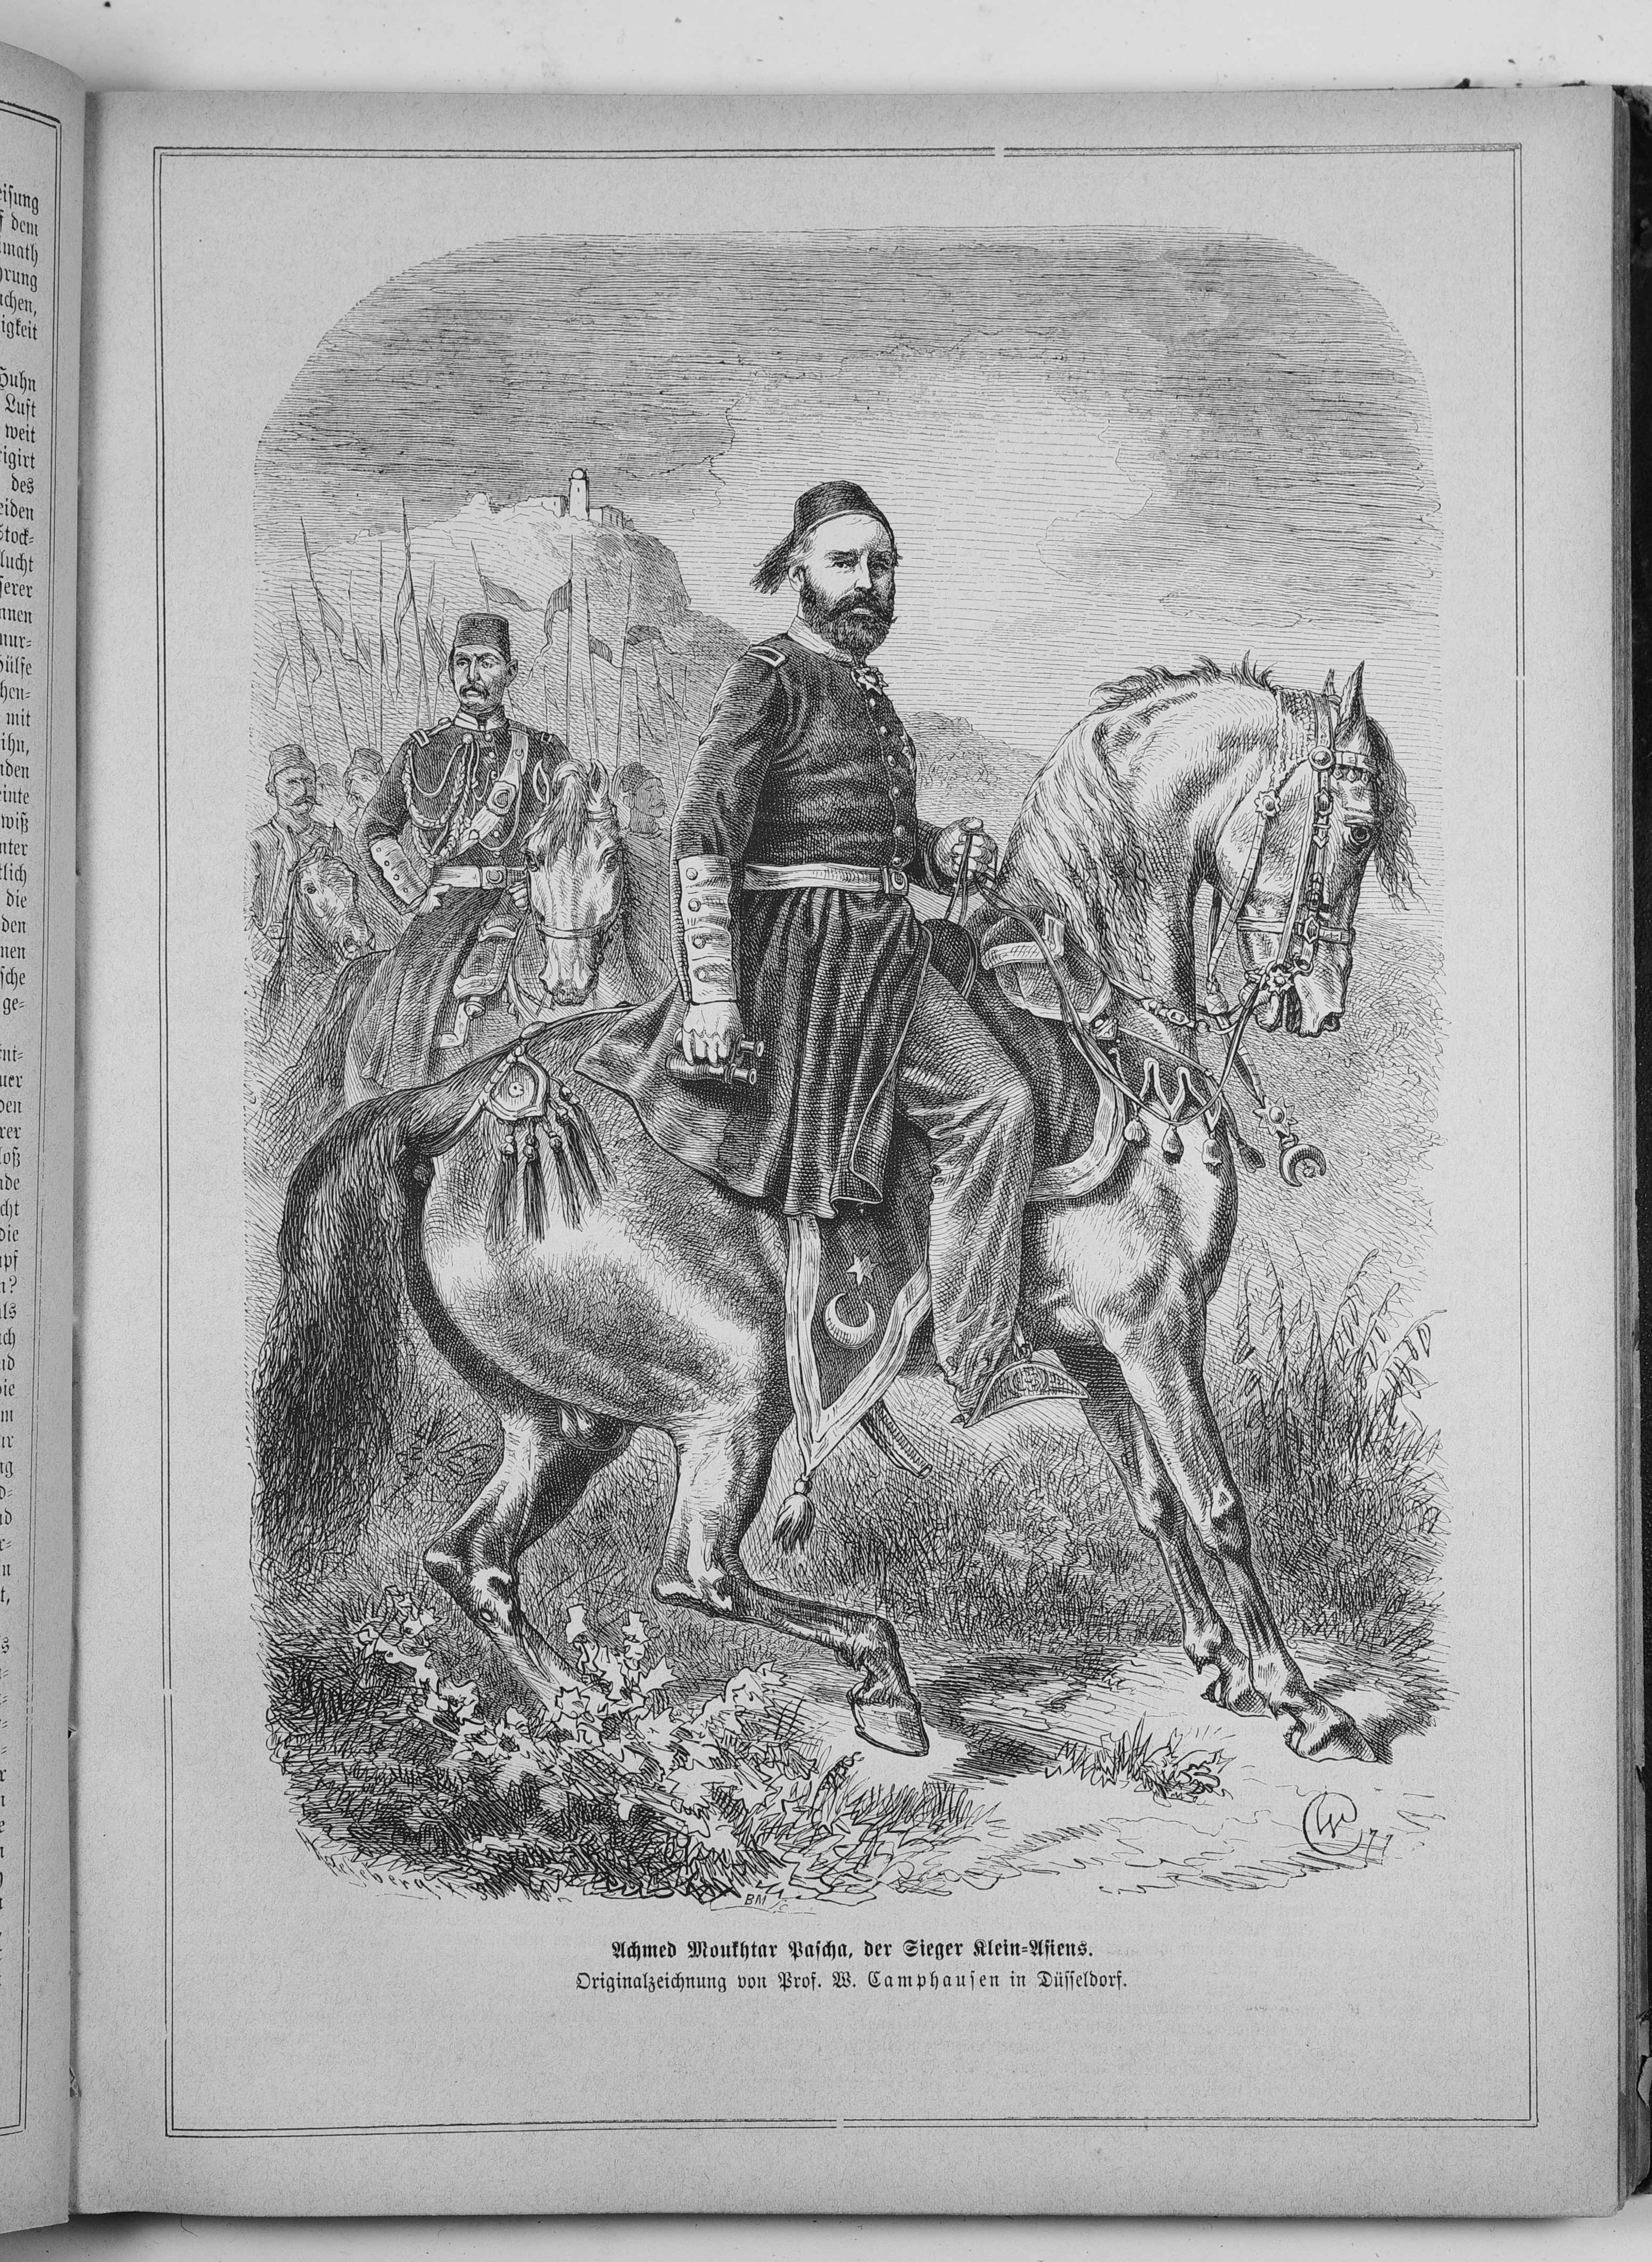Achmed Moukhtar Pascha, der Sieger Klein-Asiens.
Originalzeichnung von Prof. W. Camphausen in Düsseldorf.
